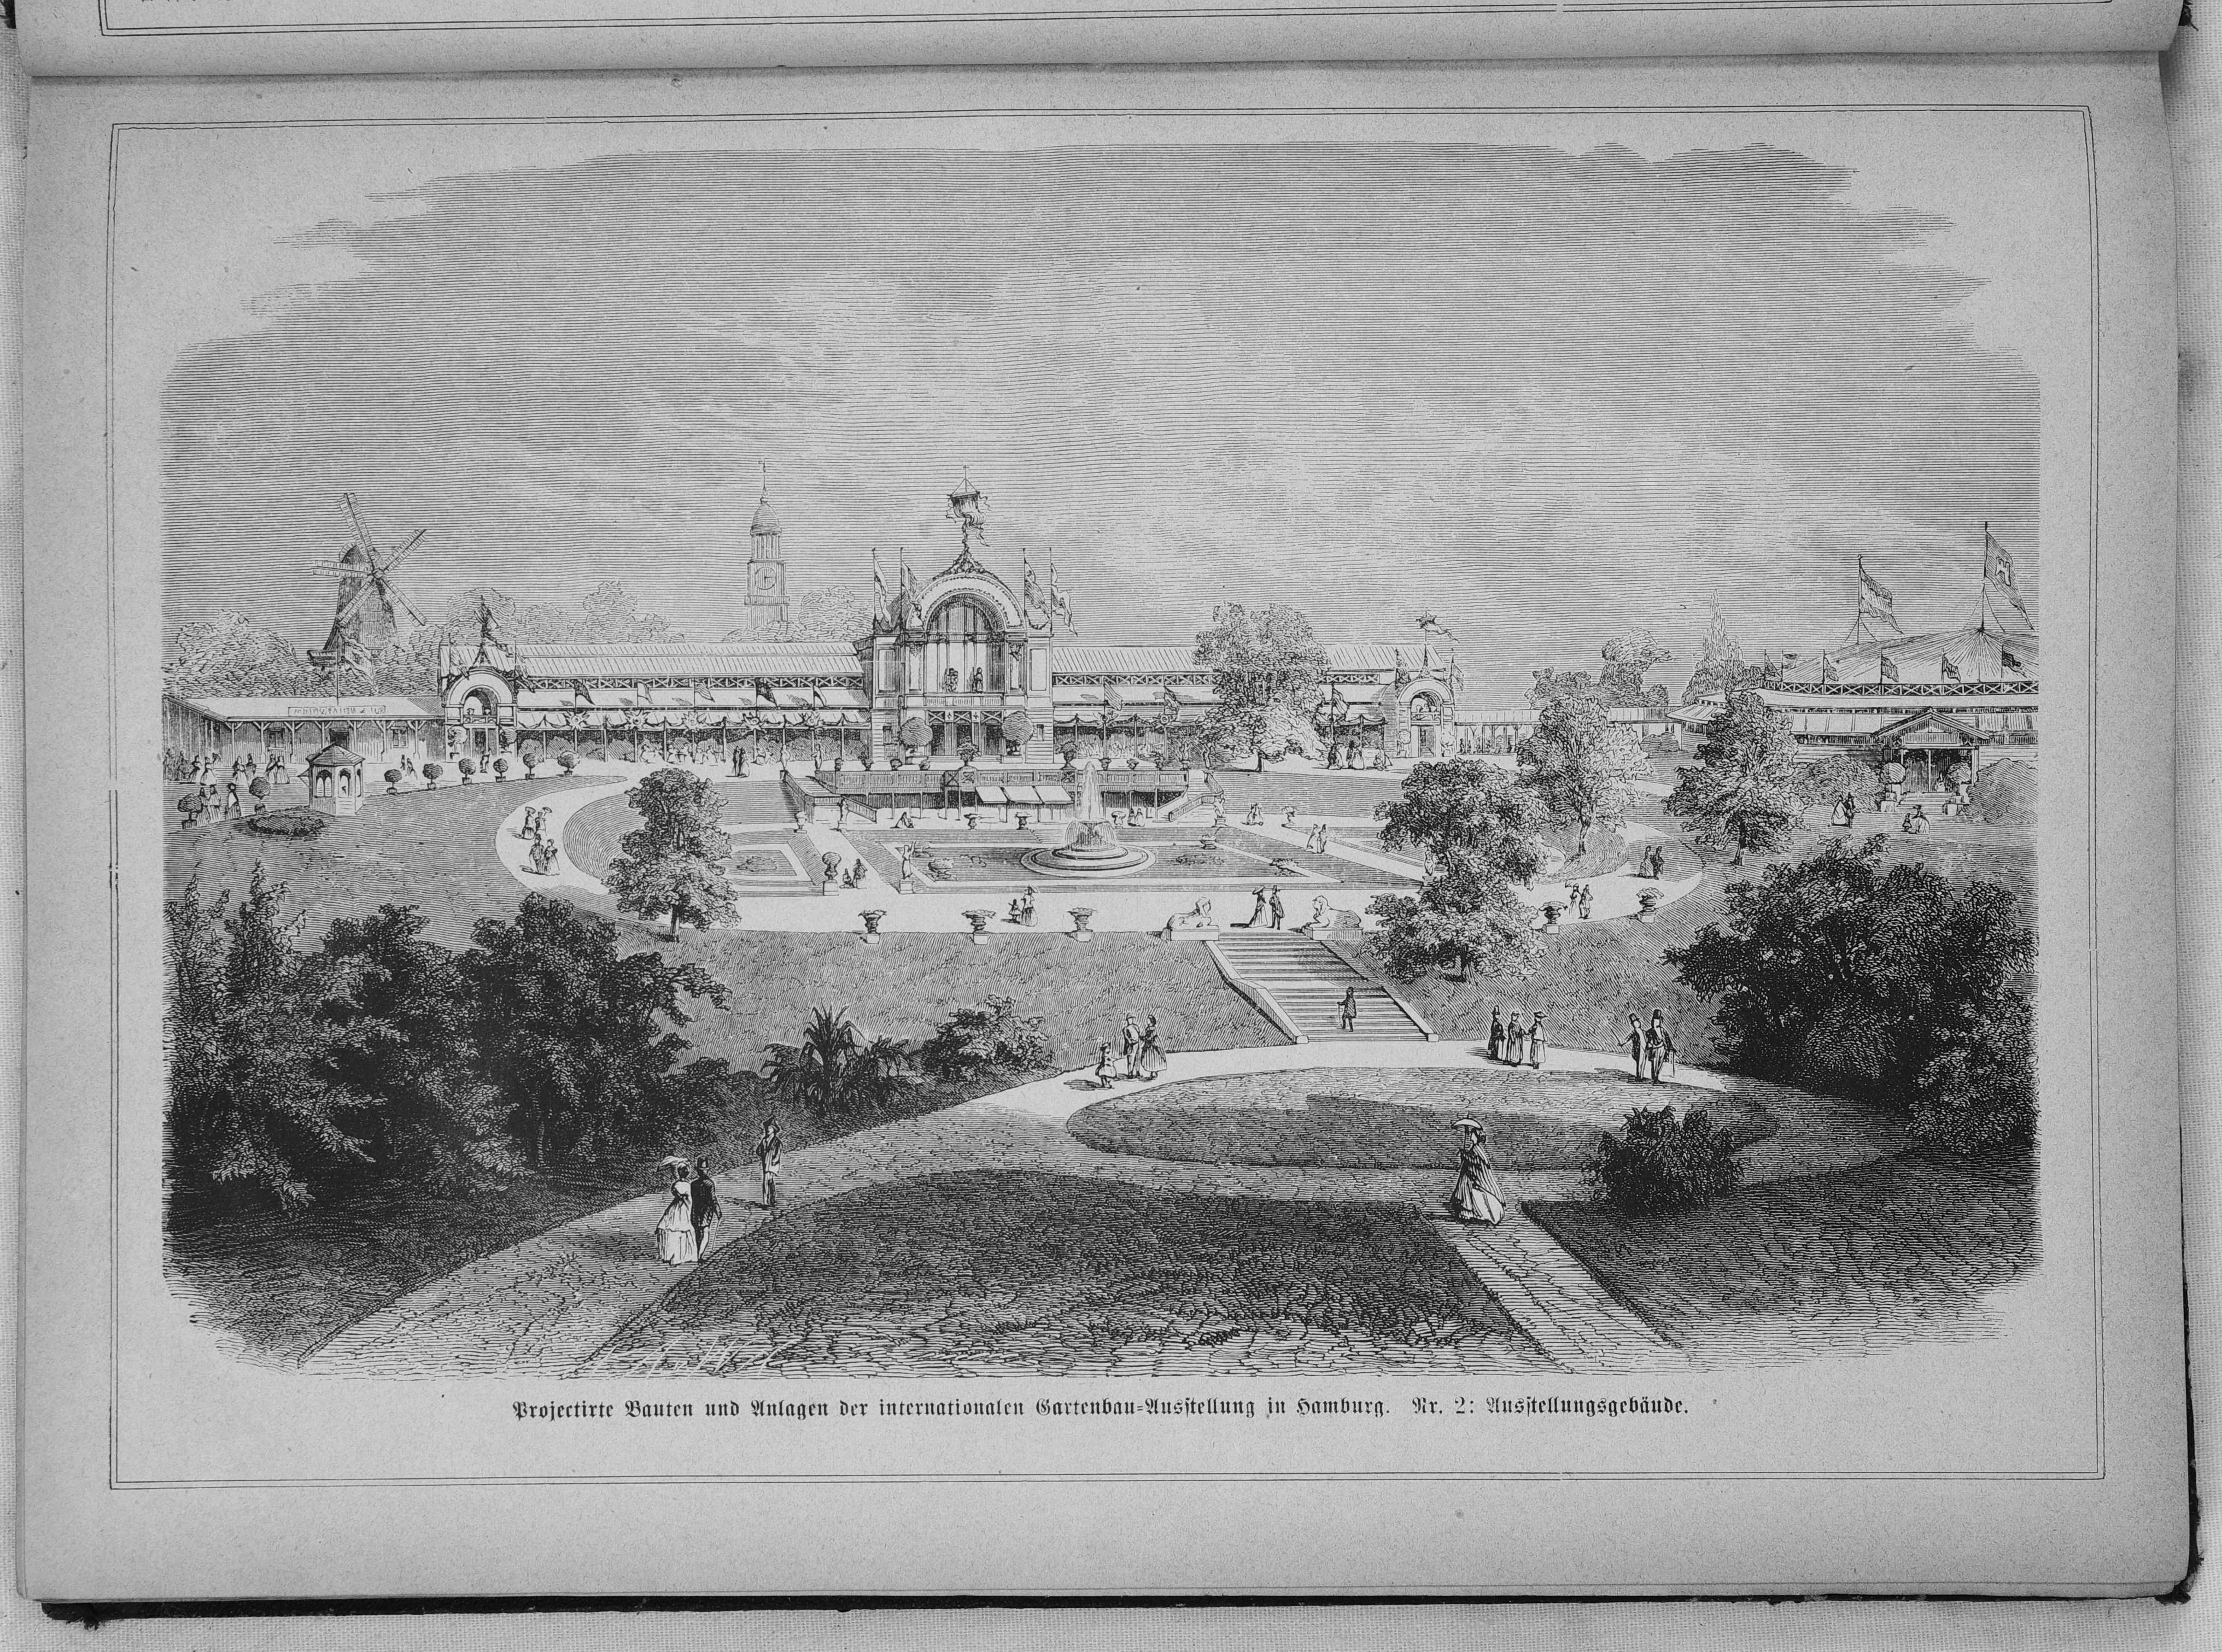Projectirte Bauten und Anlagen der internationalen Gartenbau-Ausstellung in Hamburg. Nr. 2: Ausstellungsgebäude.
